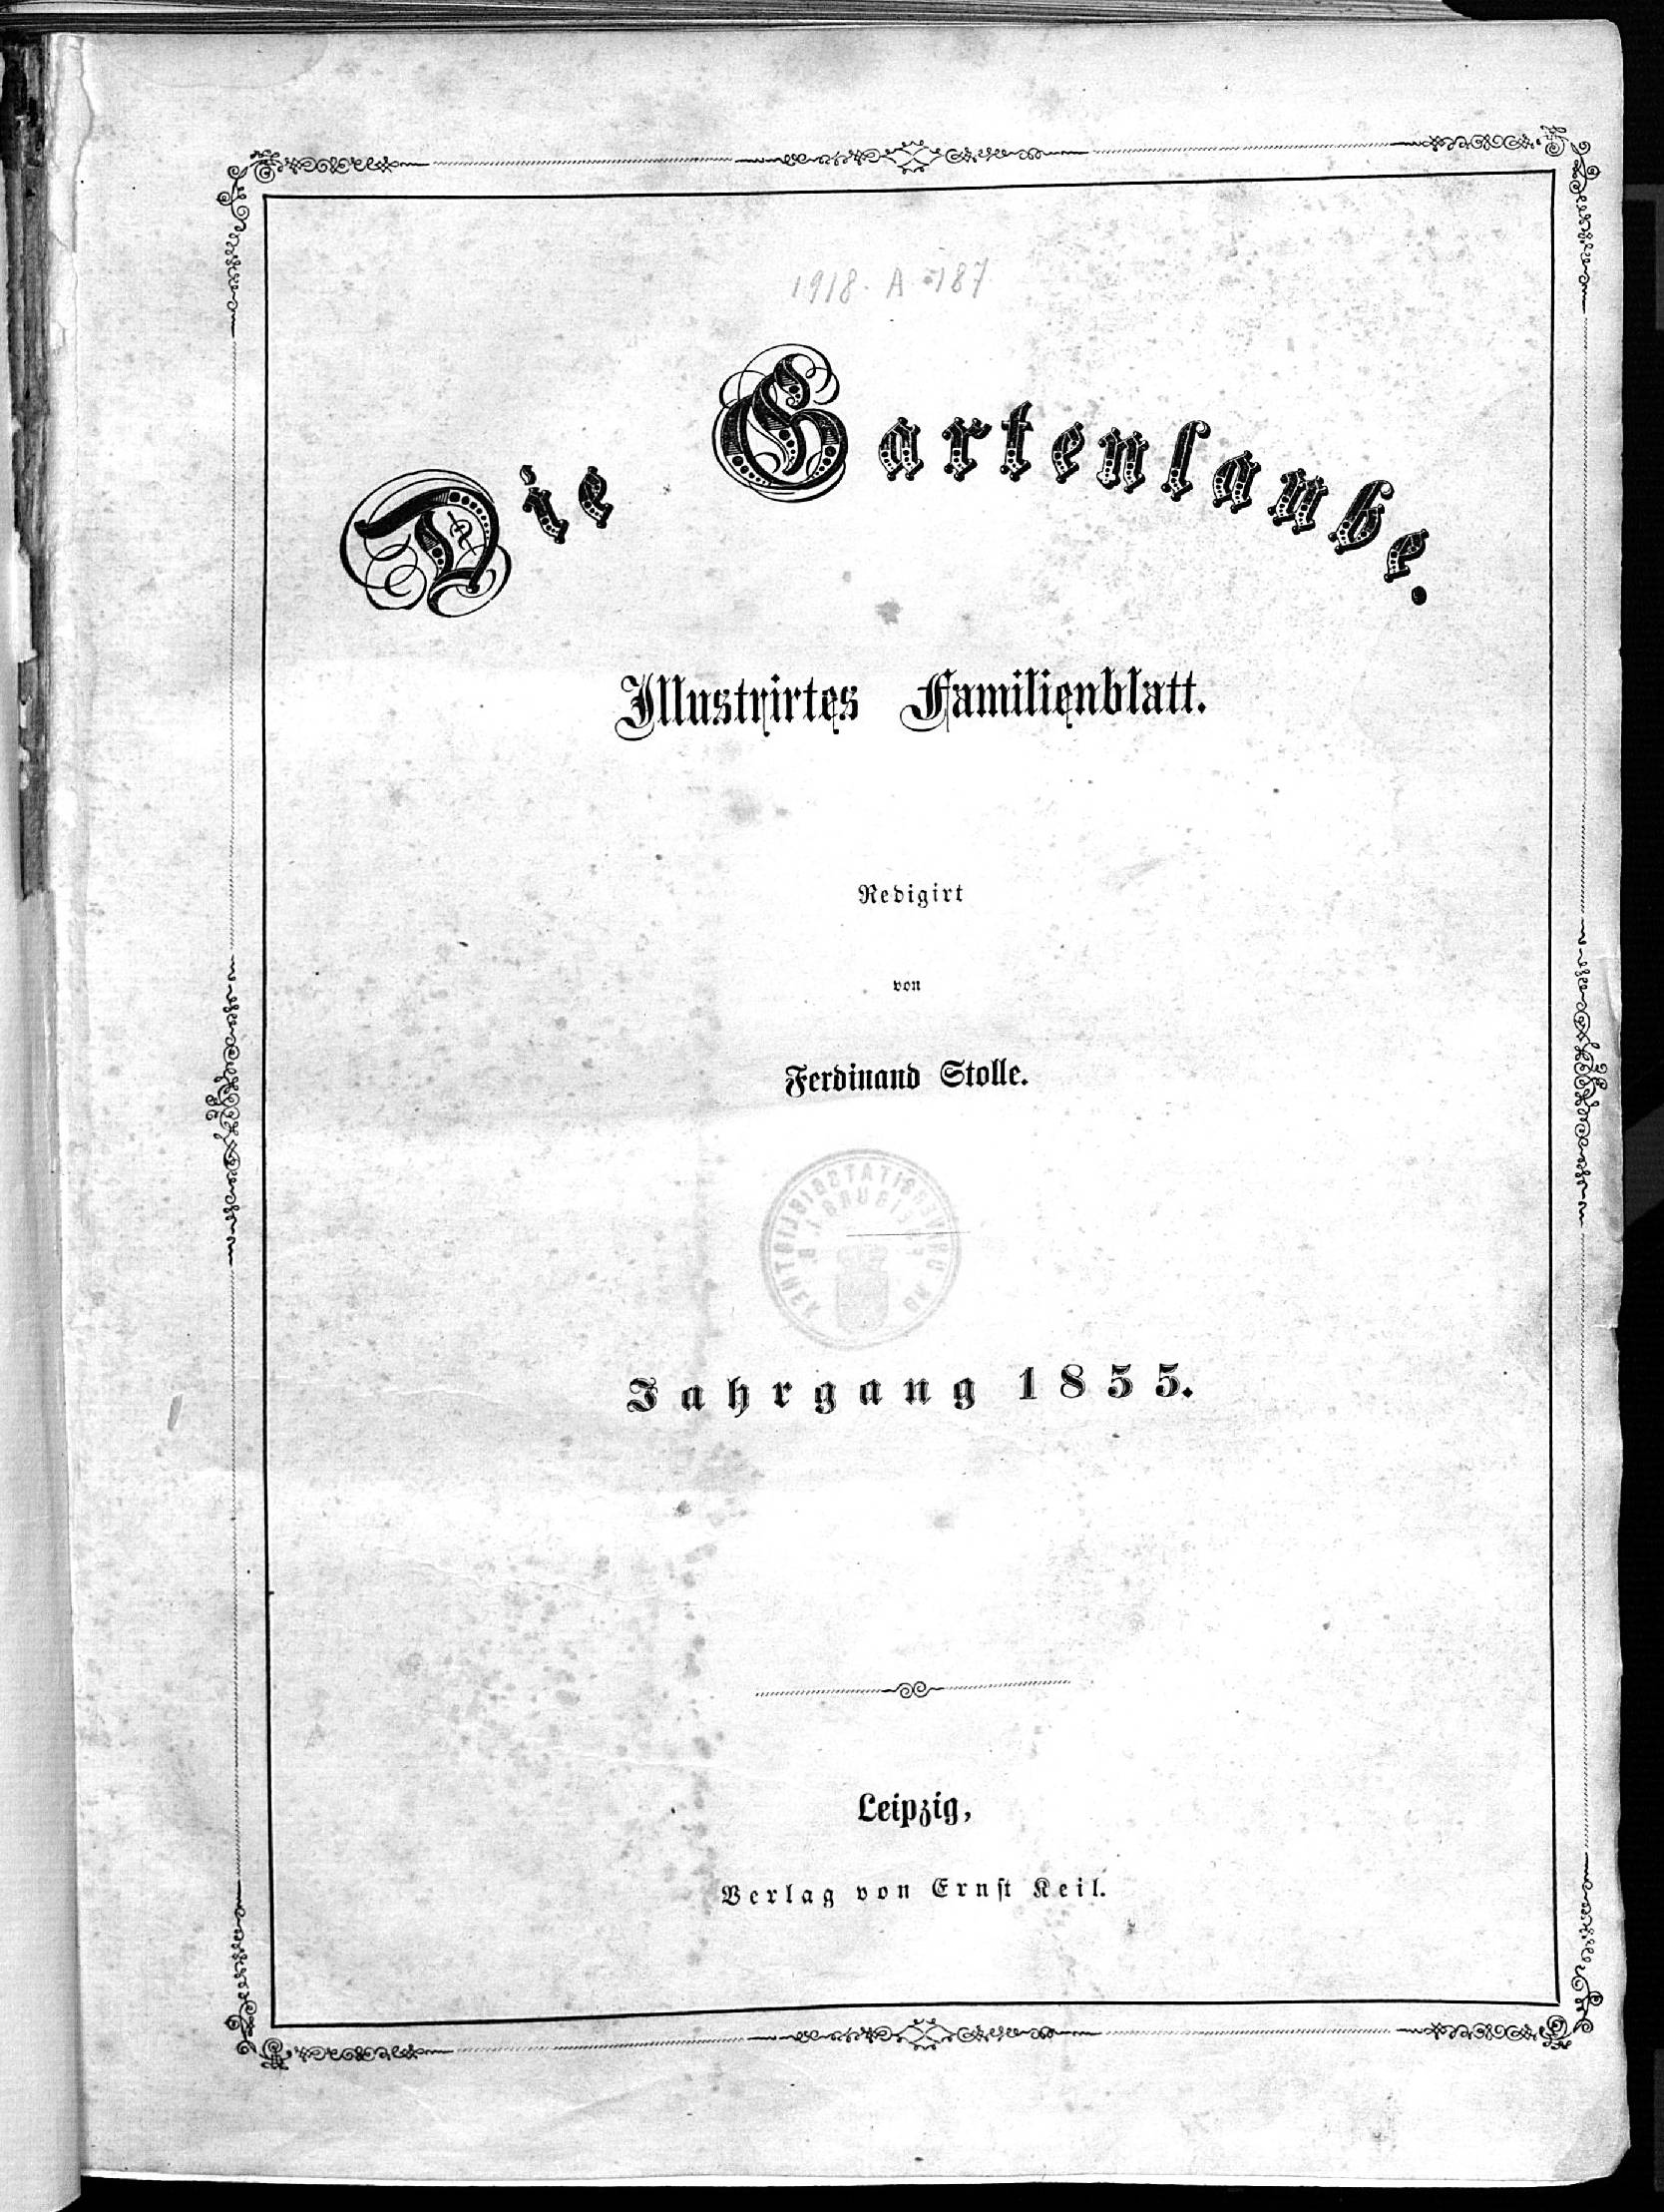Die Gartenlaube.

Illustrirtes Familienblatt.

Redigirt

von

Ferdinand Stolle.

Jahrgang 1855.

Leipzig,

Verlag von Ernst Keil.
